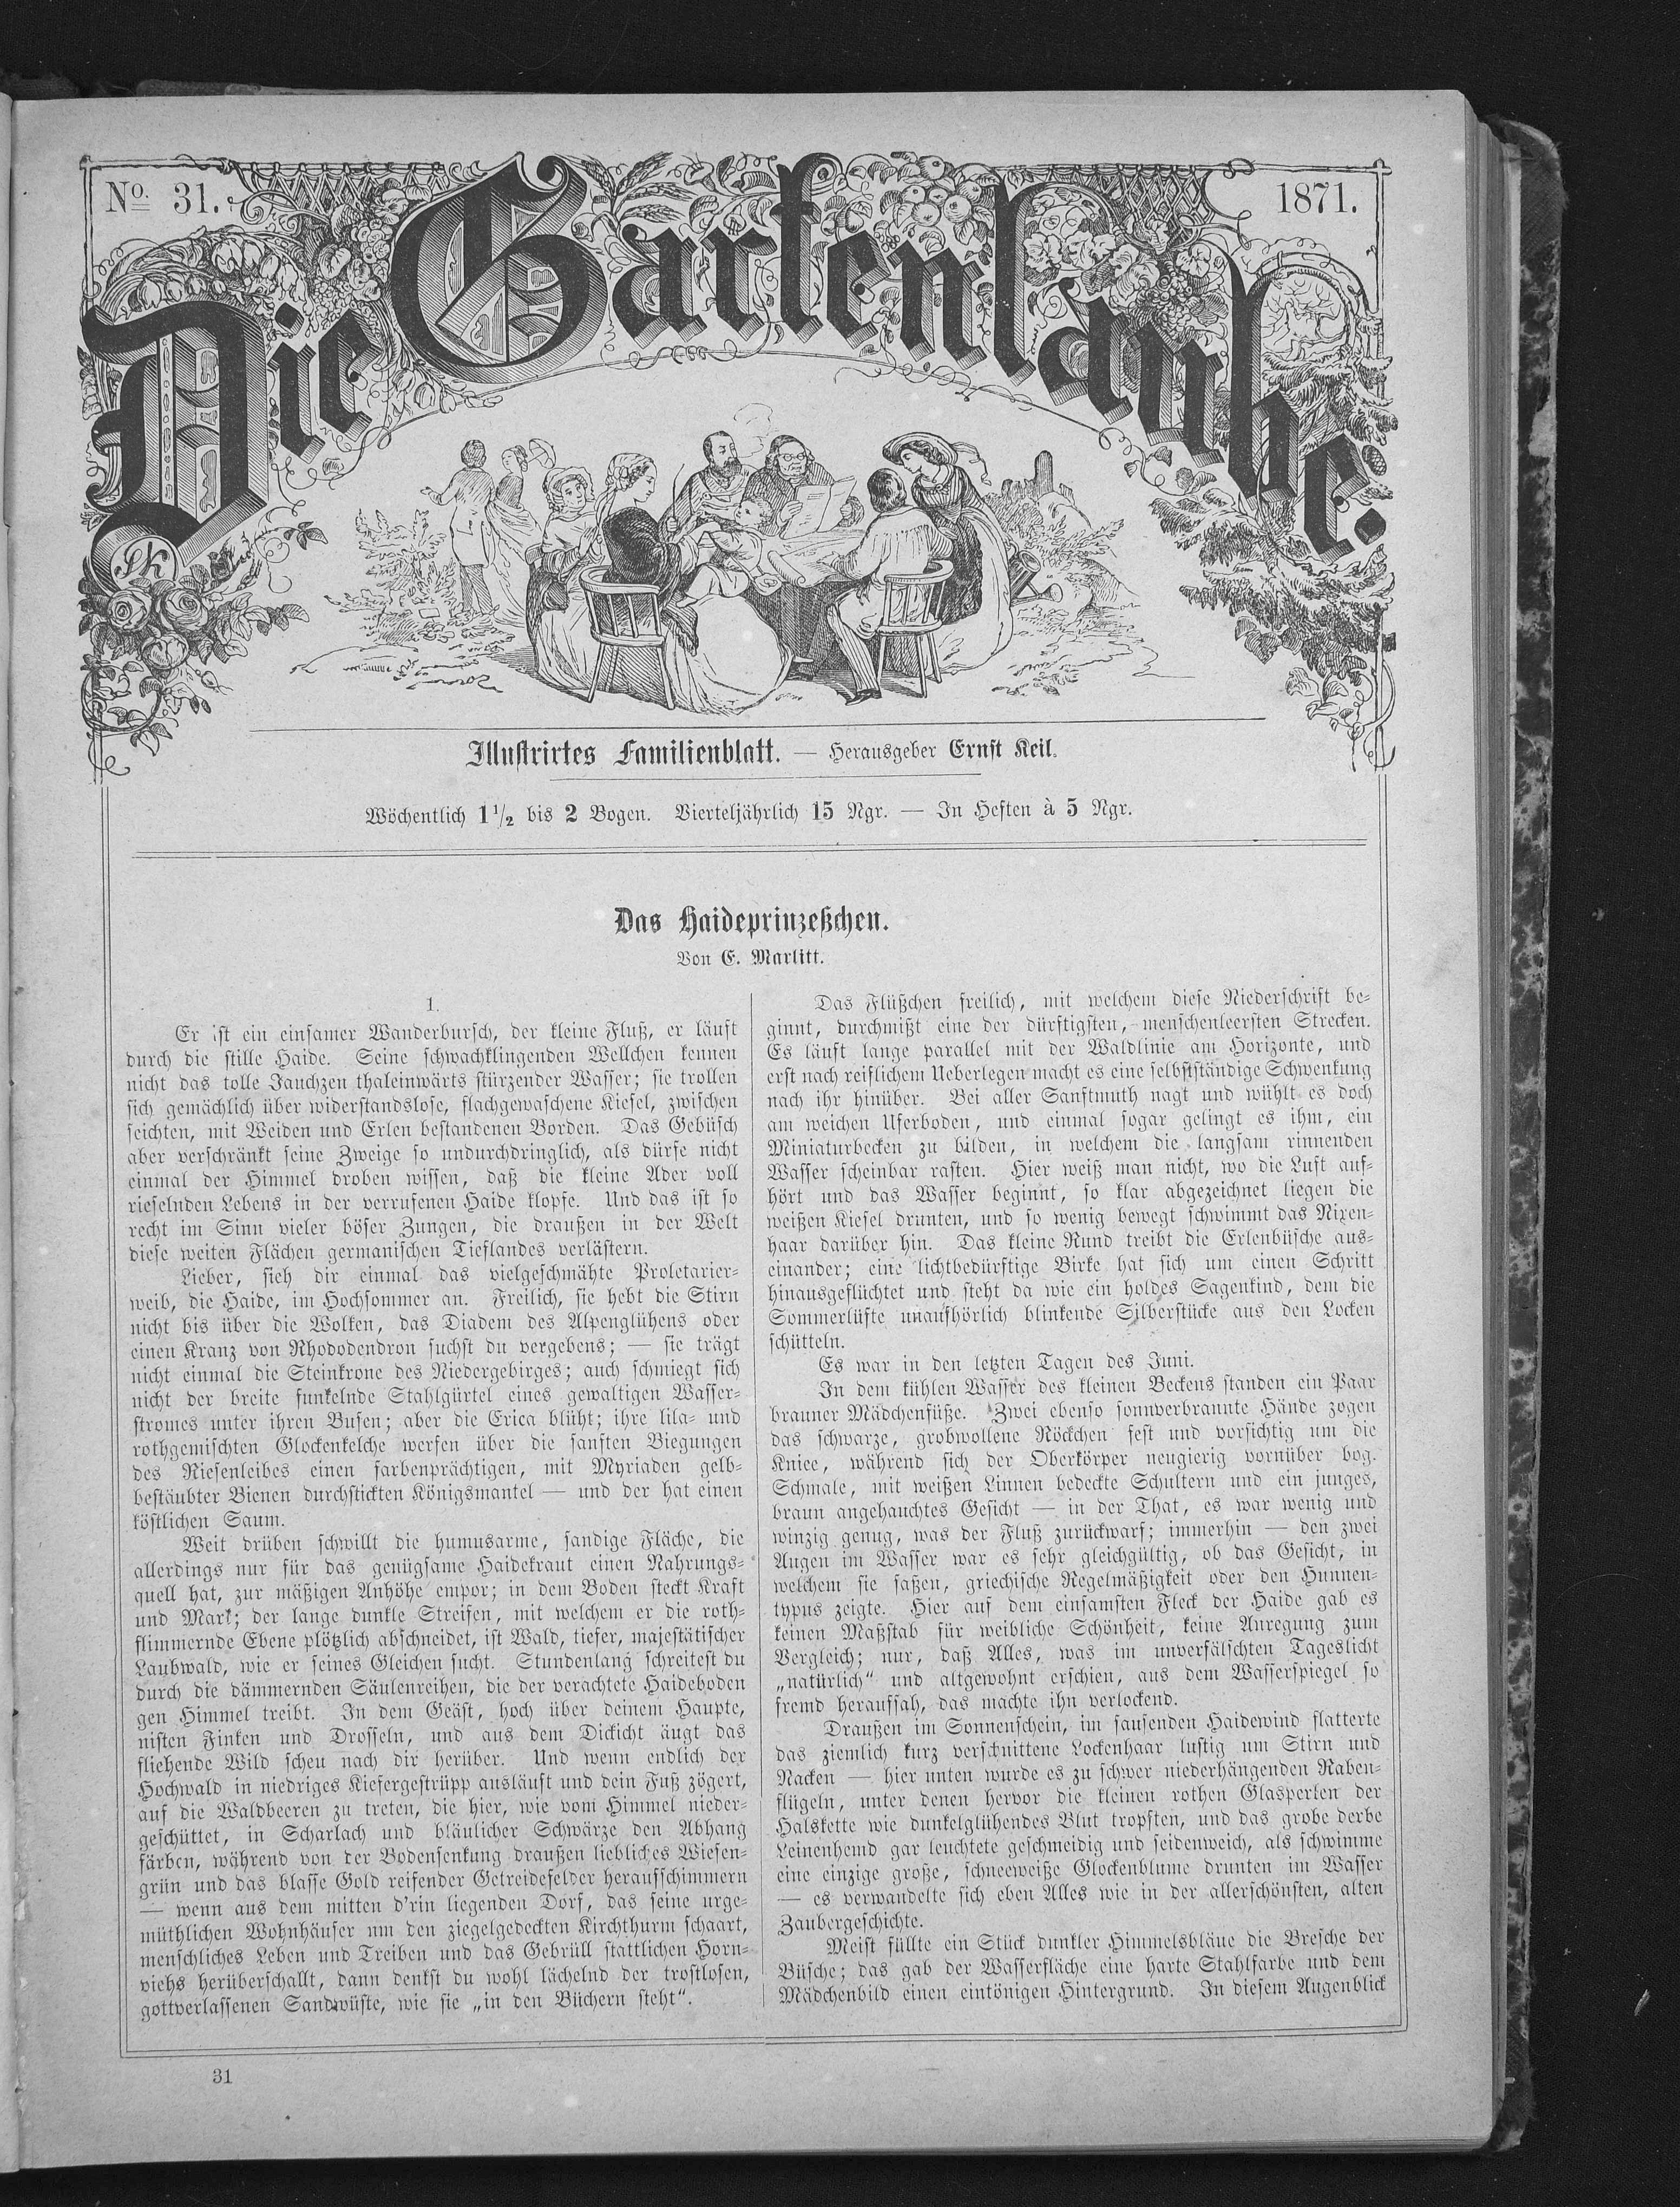No. 31. 1871.
Die Gartenlaube.

Illustrirtes Familienblatt. – Herausgeber Ernst Keil.

Wöchentlich 1½ bis 2 Bogen. Vierteljährlich 15 Ngr. – In Heften à 5 Ngr.

Das Haideprinzeßchen.
Von E. Marlitt.

1.

Er ist ein einsamer Wanderbursch, der kleine Fluß, er läuft durch die stille Haide. Seine schwachklingenden Wellchen kennen nicht das tolle Jauchzen thaleinwärts stürzender Wasser; sie trollen sich gemächlich über widerstandslose, flachgewaschene Kiesel, zwischen seichten, mit Weiden und Erlen bestandenen Borden. Das Gebüsch aber verschränkt seine Zweige so undurchdringlich, als dürfe nicht einmal der Himmel droben wissen, daß die kleine Ader voll rieselnden Lebens in der verrufenen Haide klopfe. Und das ist so recht im Sinn vieler böser Zungen, die draußen in der Welt diese weiten Flächen germanischen Tieflandes verlästern.

Lieber, sieh dir einmal das vielgeschmähte Proletarierweib, die Haide, im Hochsommer an. Freilich, sie hebt die Stirn nicht bis über die Wolken, das Diadem des Alpenglühens oder einen Kranz von Rhododendron suchst du vergebens; – sie trägt nicht einmal die Steinkrone des Niedergebirges; auch schmiegt sich nicht der breite funkelnde Stahlgürtel eines gewaltigen Wasserstromes unter ihren Busen; aber die Erica blüht; ihre lila- und rothgemischten Glockenkelche werfen über die sanften Biegungen des Riesenleibes einen farbenprächtigen, mit Myriaden gelbbestäubter Bienen durchstickten Königsmantel – und der hat einen köstlichen Saum.

Weit drüben schwillt die humusarme, sandige Fläche, die allerdings nur für das genügsame Haidekraut einen Nahrungsquell hat, zur mäßigen Anhöhe empor; in dem Boden steckt Kraft und Mark; der lange dunkle Streifen, mit welchem er die rothflimmernde Ebene plötzlich abschneidet, ist Wald, tiefer, majestätischer Laubwald, wie er seines Gleichen sucht. Stundenlang schreitest du durch die dämmernden Säulenreihen, die der verachtete Haideboden gen Himmel treibt. In dem Geäst, hoch über deinem Haupte, nisten Finken und Drosseln, und aus dem Dickicht äugt das fliehende Wild scheu nach dir herüber. Und wenn endlich der Hochwald in niedriges Kiefergestrüpp ausläuft und dein Fuß zögert, auf die Waldbeeren zu treten, die hier, wie vom Himmel niedergeschüttet, in Scharlach und bläulicher Schwärze den Abhang färben, während von der Bodensenkung draußen liebliches Wiesengrün und das blasse Gold reifender Getreidefelder heraufschimmern – wenn aus dem mitten d’rin liegenden Dorf, das seine urgemüthlichen Wohnhäuser um den ziegelgedeckten Kirchthurm schaart, menschliches Leben und Treiben und das Gebrüll stattlichen Hornviehs herüberschallt, dann denkst du wohl lächelnd der trostlosen, gottverlassenen Sandwüste, wie sie „in den Büchern steht“.

Das Flüßchen freilich, mit welchem diese Niederschrift beginnt, durchmißt eine der dürftigsten, menschenleersten Strecken. Es läuft lange parallel mit der Waldlinie am Horizonte, und erst nach reiflichem Ueberlegen macht es eine selbstständige Schwenkung nach ihr hinüber. Bei aller Sanftmuth nagt und wühlt es doch am weichen Uferboden, und einmal sogar gelingt es ihm, ein Miniaturbecken zu bilden, in welchem die langsam rinnenden Wasser scheinbar rasten. Hier weiß man nicht, wo die Luft aufhört und das Wasser beginnt, so klar abgezeichnet liegen die weißen Kiesel drunten, und so wenig bewegt schwimmt das Nixenhaar darüber hin. Das kleine Rund treibt die Erlenbüsche auseinander; eine lichtbedürftige Birke hat sich um einen Schritt hinausgeflüchtet und steht da wie ein holdes Sagenkind, dem die Sommerlüfte unaufhörlich blinkende Silberstücke aus den Locken schütteln.

Es war in den letzten Tagen des Juni.

In dem kühlen Wasser des kleinen Beckens standen ein Paar brauner Mädchenfüße. Zwei ebenso sonnverbrannte Hände zogen das schwarze, grobwollene Röckchen fest und vorsichtig um die Kniee, während sich der Oberkörper neugierig vornüber bog. Schmale, mit weißen Linnen bedeckte Schultern und ein junges, braun angehauchtes Gesicht – in der That, es war wenig und winzig genug, was der Fluß zurückwarf; immerhin – den zwei Augen im Wasser war sehr gleichgültig, ob das Gesicht, in welchem sie saßen, griechische Regelmäßigkeit oder den Hunnentypus zeigte. Hier auf dem einsamsten Fleck der Haide gab es keinen Maßstab für weibliche Schönheit, keine Anregung zum Vergleich; nur, daß Alles, was im unverfälschten Tageslicht „natürlich“ und altgewohnt erschien, aus dem Wasserspiegel so fremd heraufsah, das machte ihn verlockend.

Draußen im Sonnenschein, im sausenden Haidewind flatterte das ziemlich kurz verschnittene Lockenhaar lustig um Stirn und Nacken – hier unten wurde es zu schwer niederhängenden Rabenflügeln, unter denen hervor die kleinen rothen Glasperlen der Halskette wie dunkelglühendes Blut tropften, und das grobe derbe Leinenhemd gar leuchtete geschmeidig und seidenweich, als schwimme eine einzige große, schneeweiße Glockenblume drunten im Wasser – es verwandelte sich eben Alles wie in der allerschönsten, alten Zaubergeschichte.

Meist füllte ein Stück dunkler Himmelsbläue die Bresche der Büsche; das gab der Wasserfläche eine harte Stahlfarbe und dem Mädchenbild einen eintönigen Hintergrund. In diesem Augenblick
